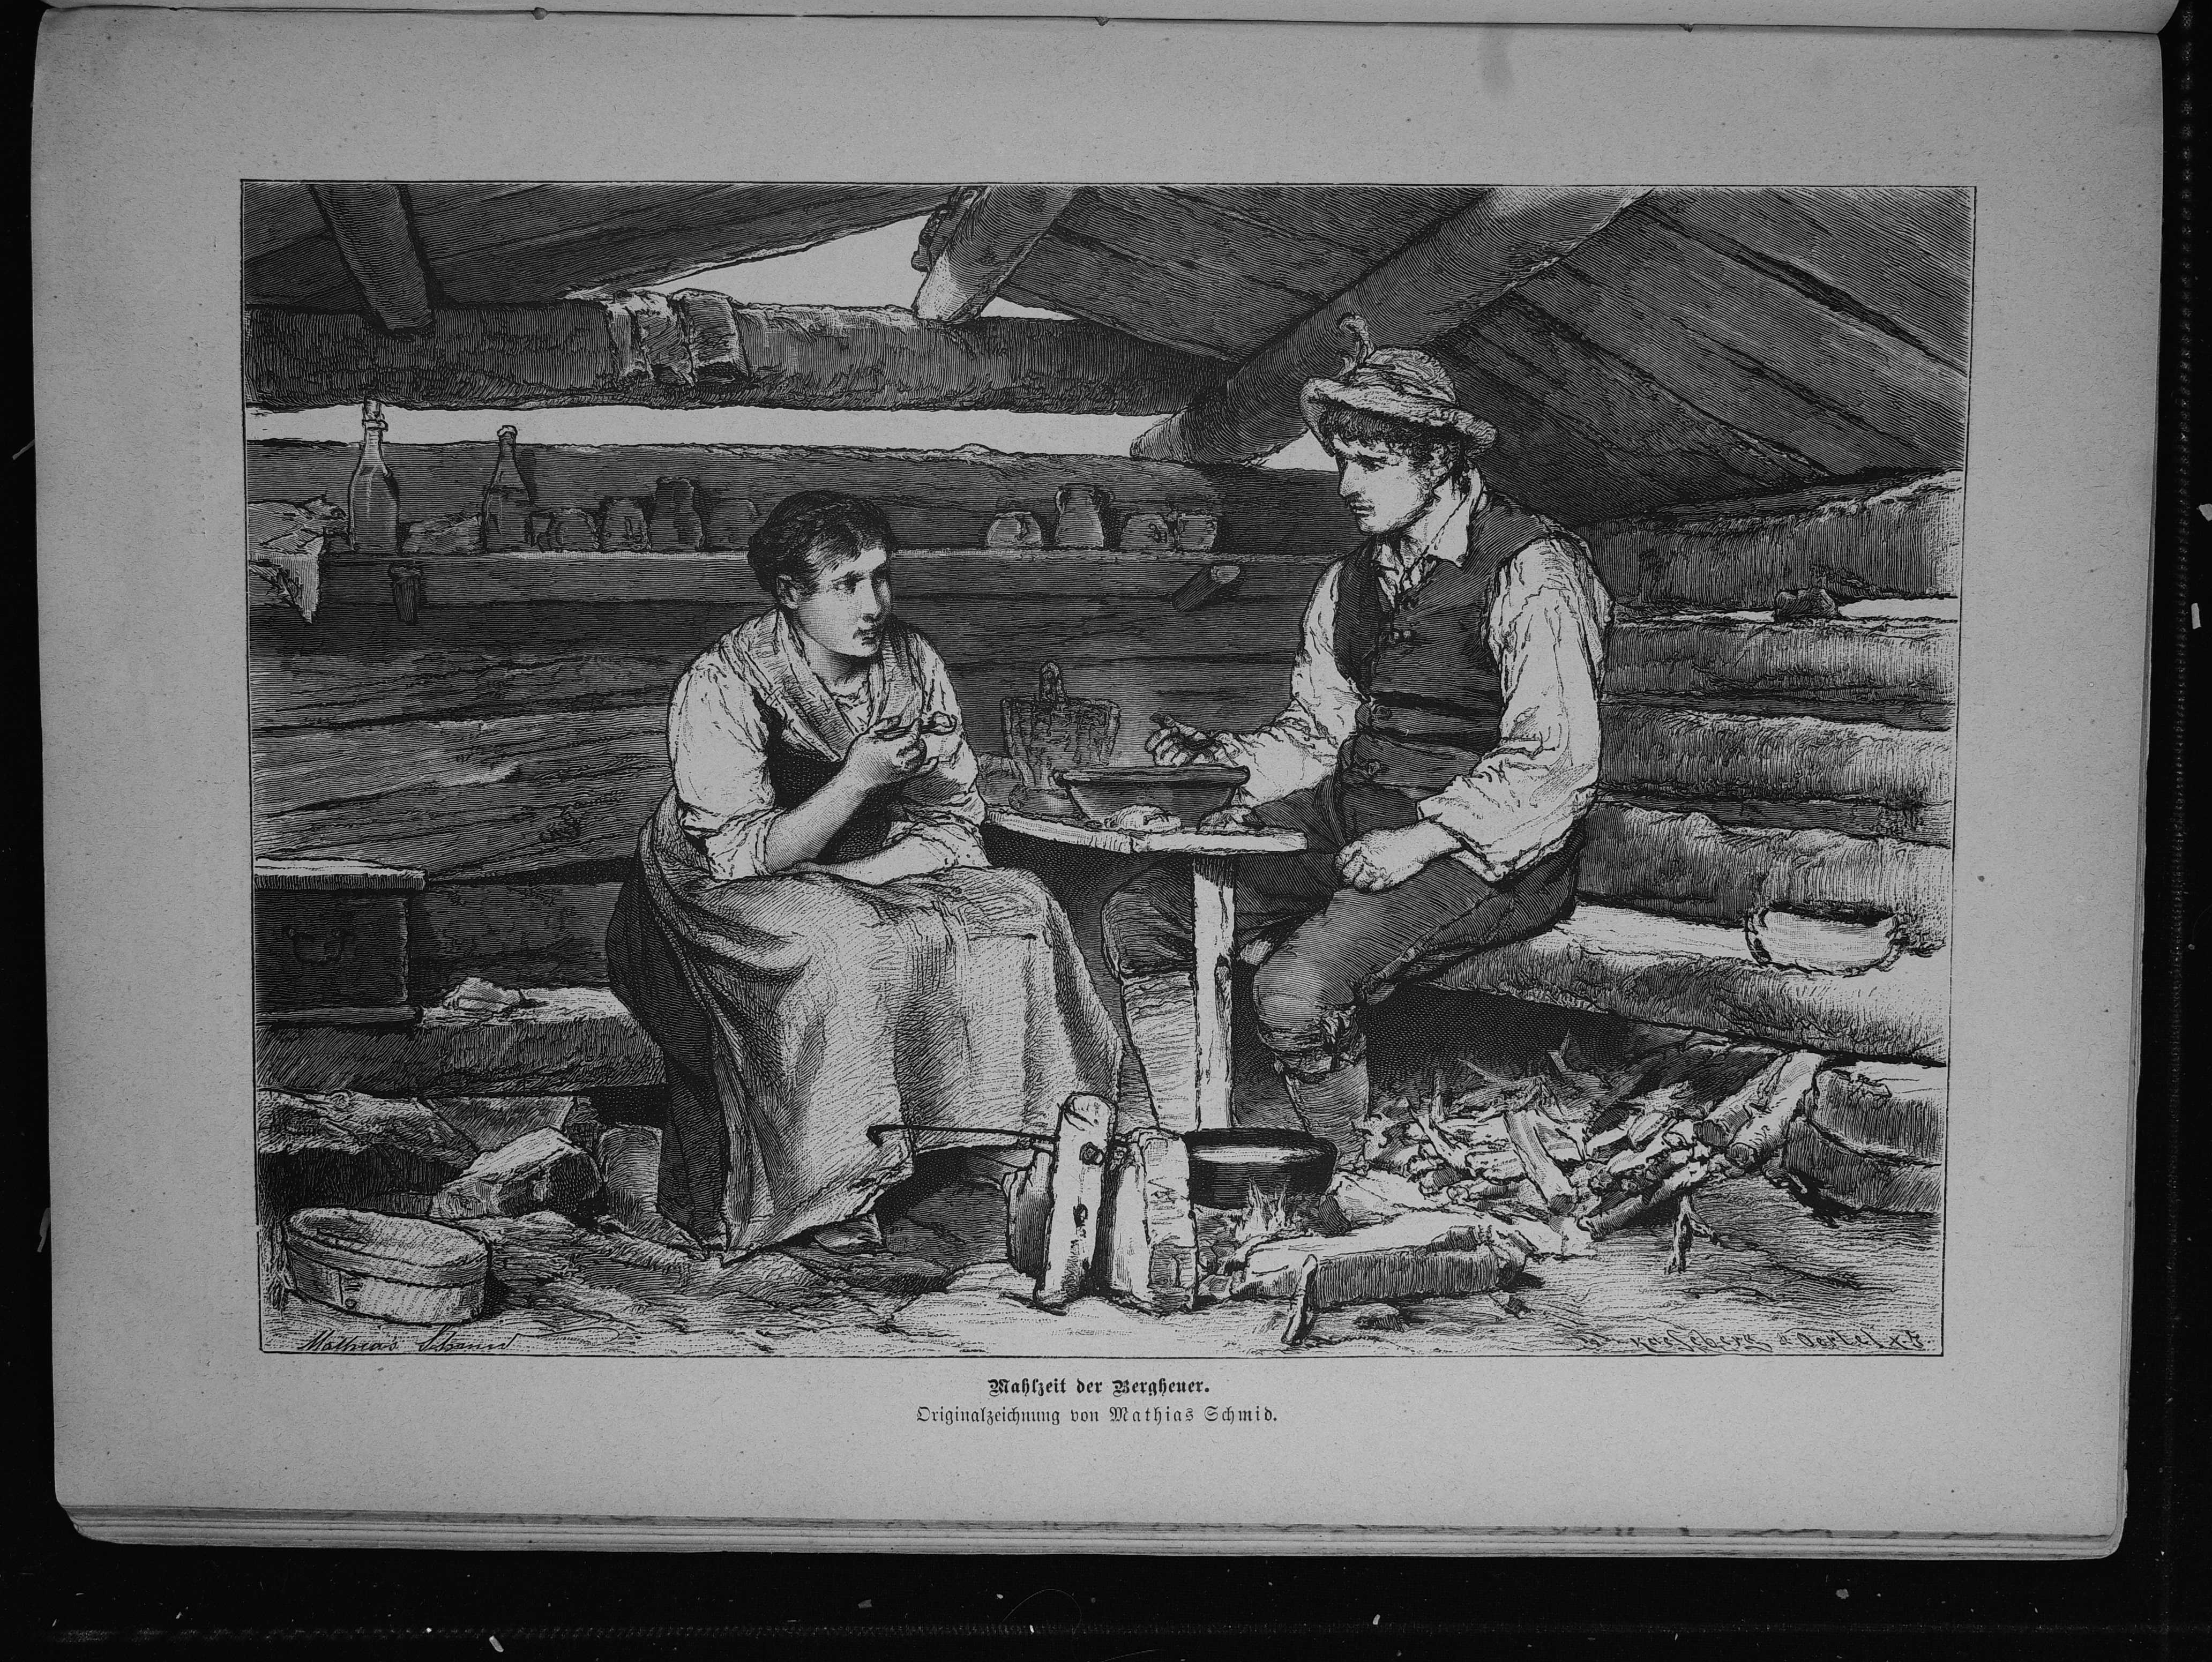Mahlzeit der Bergheuer.
Originalzeichnung von Mathias Schmid.
